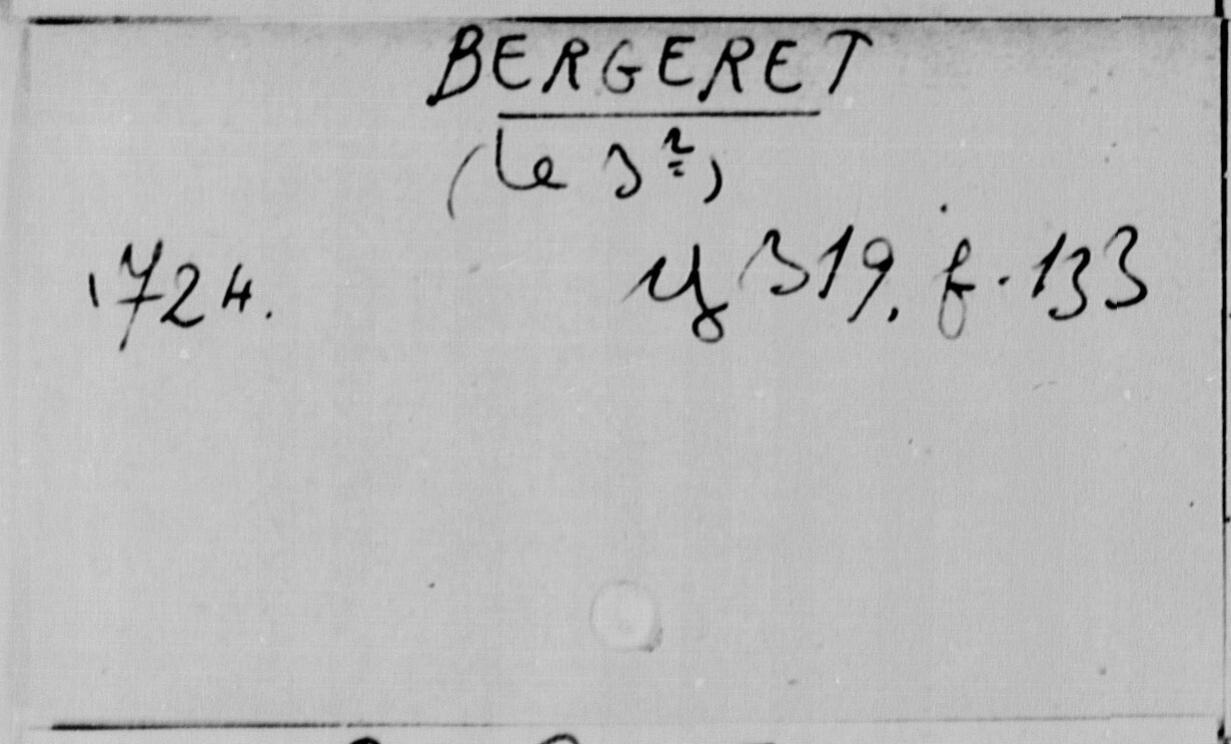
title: BERGERET (le sieur)
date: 1724
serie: Y
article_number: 319
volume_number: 133
